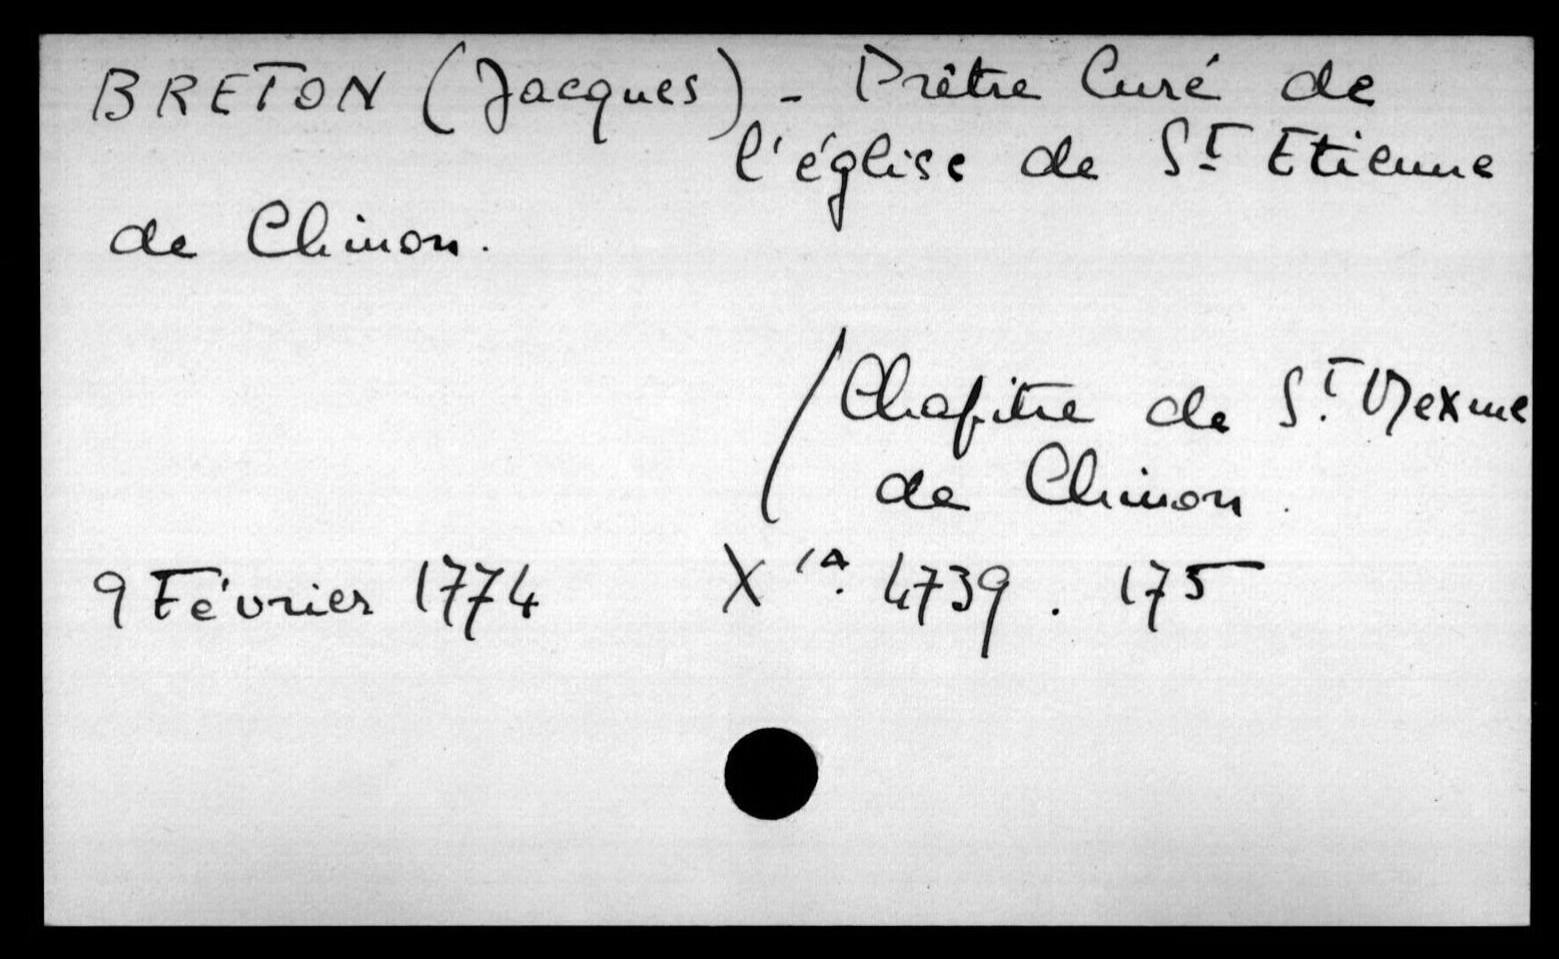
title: BRETON (Jacques) - Prêtre Curé de l'église de Saint-Étienne de Chinon
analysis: Contre Chapitre de Saint-Mexme de Chinon
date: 9 février 1774
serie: X1A
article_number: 4739
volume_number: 175
